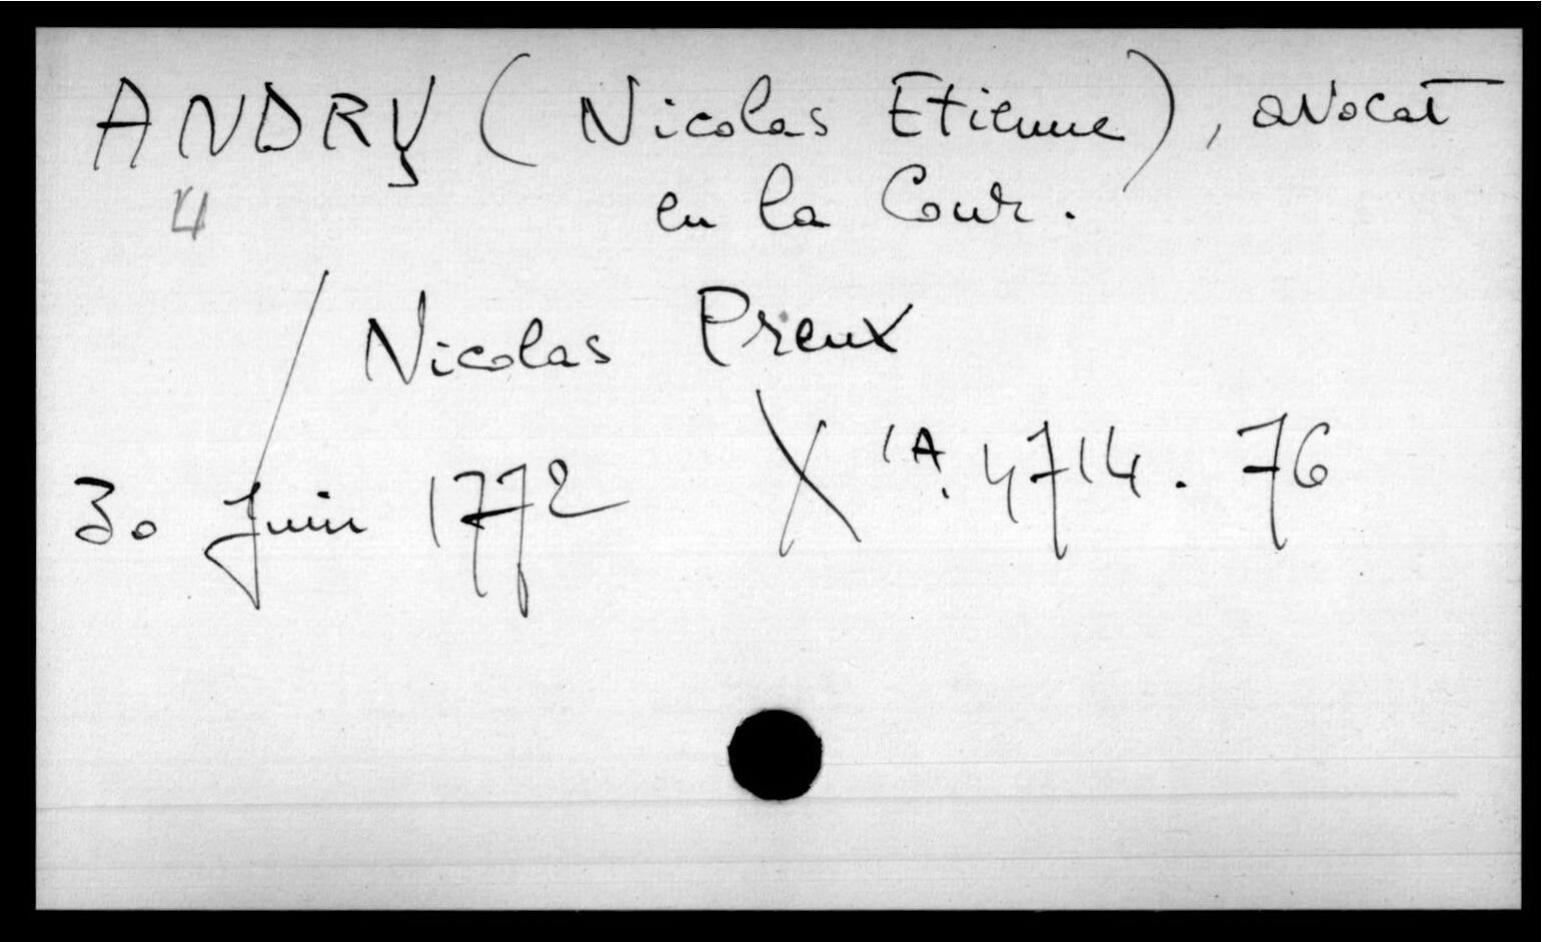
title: ANDRY (Nicolas Étienne), avocat en la Cour.
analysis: Contre Nicolas Prieux
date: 30 juin 1772
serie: X1A
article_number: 4714
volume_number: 76
